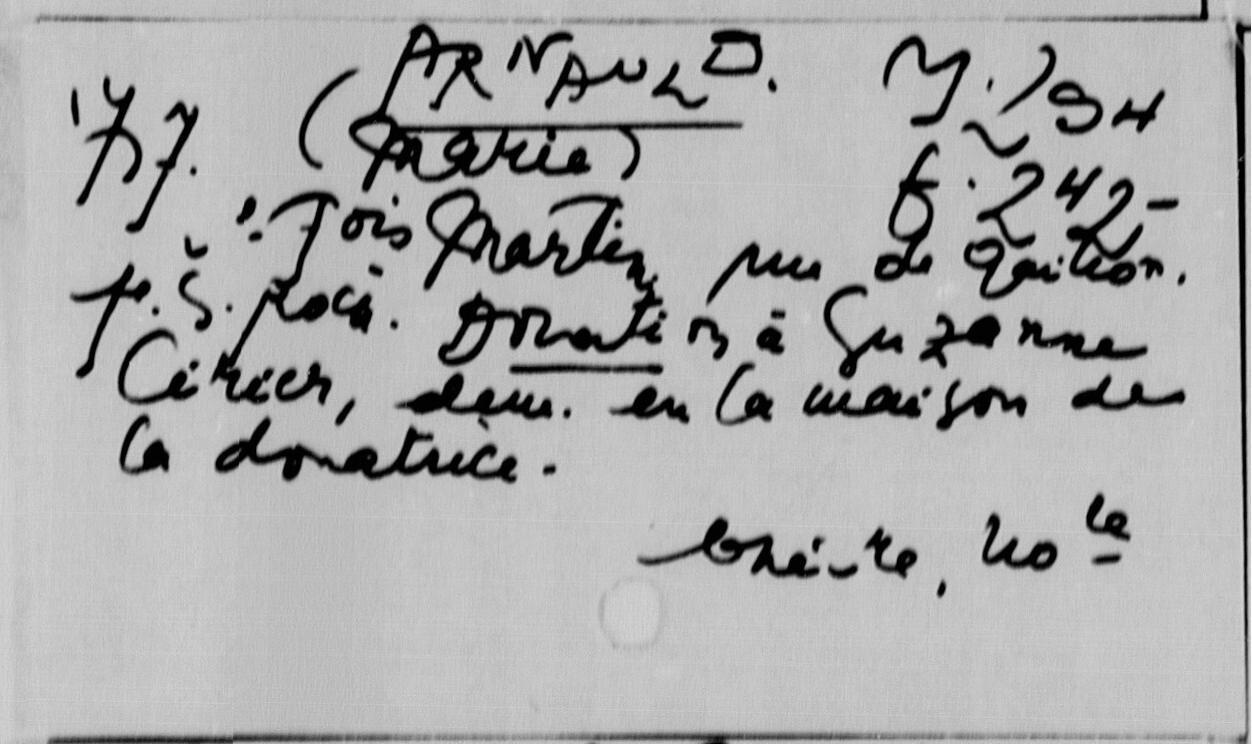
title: ARNAULD (Marie)
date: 1717
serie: Y
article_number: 294
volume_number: folio 242
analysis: veuve Fois Martin, rue de Gaillon, paroisse Saint Roch. Donation à Suzanne Cirier, demeurant en la maison de la donatrice. Chèvre, notaire
